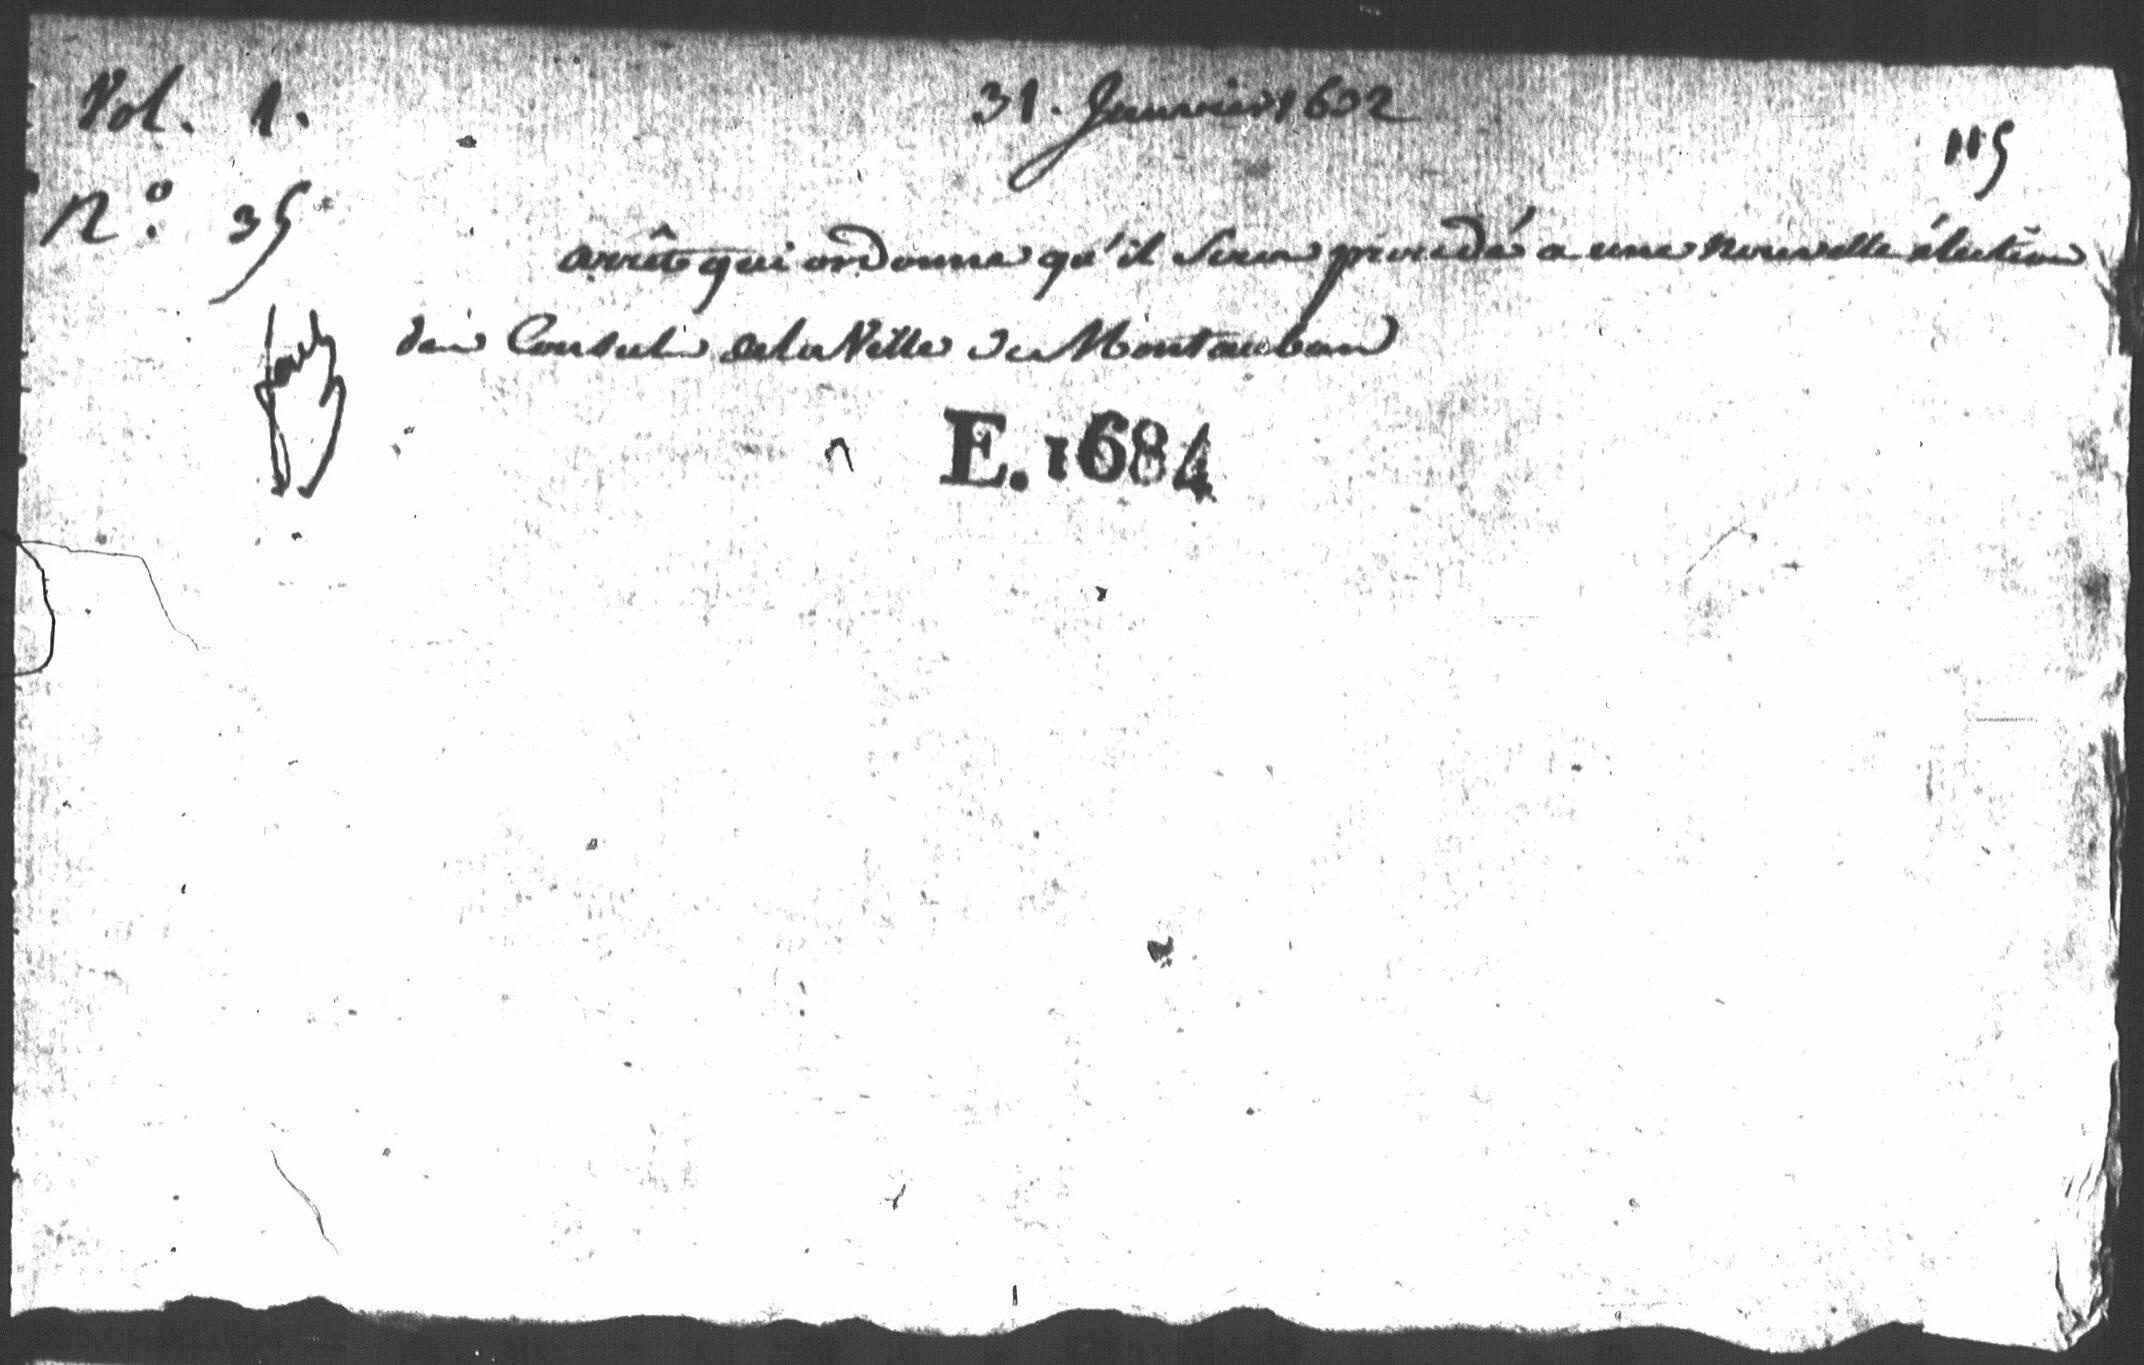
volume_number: n°35
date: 31 janvier 1632
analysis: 115 fait [en marge]
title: arrêt qui ordonne qu'il sera procedé a une nouvelle élection des consuls de la Ville de Montauban
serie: E
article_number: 1684
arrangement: vol. 1.
